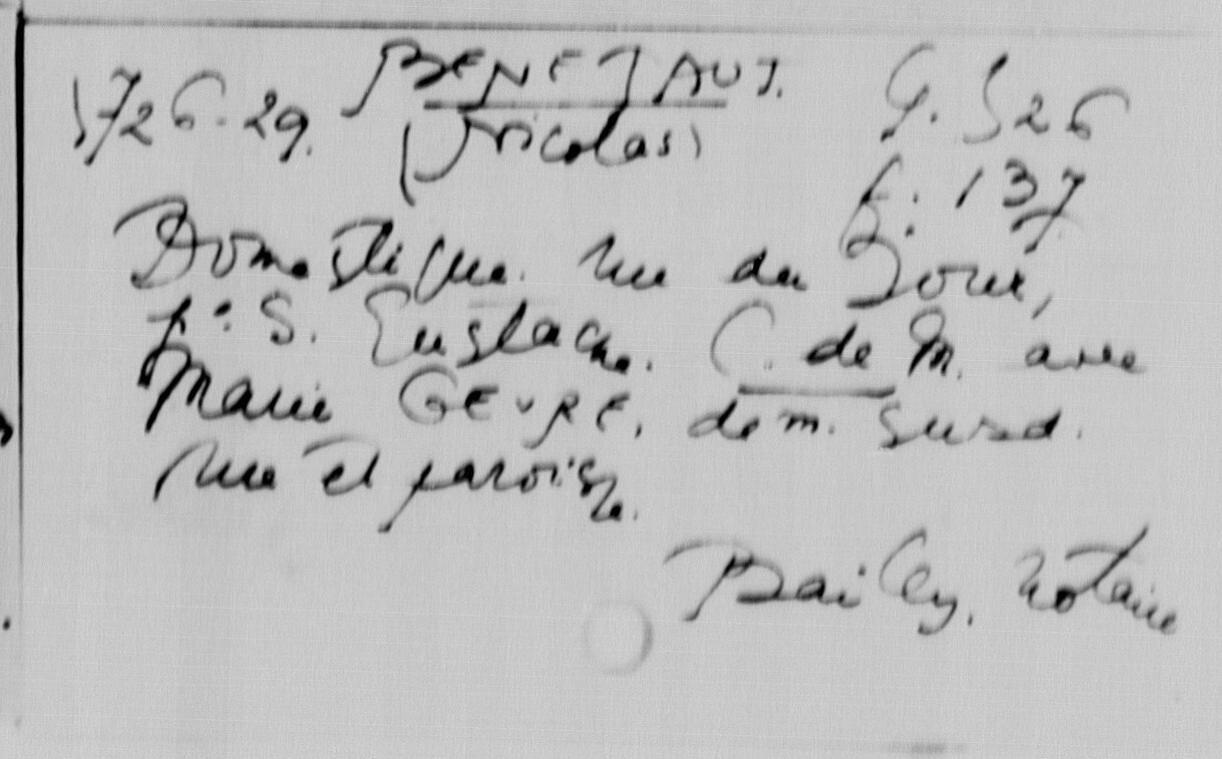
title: BENEZAUT (Nicolas)
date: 1726-1729
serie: Y
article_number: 326
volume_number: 137
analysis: Domestique, rue du Jour, paroisse Saint-Eustache. Contrat de mariage avec Marie GEVRE, demeurant susdites rue et paroisse. Bailly, notaire.
